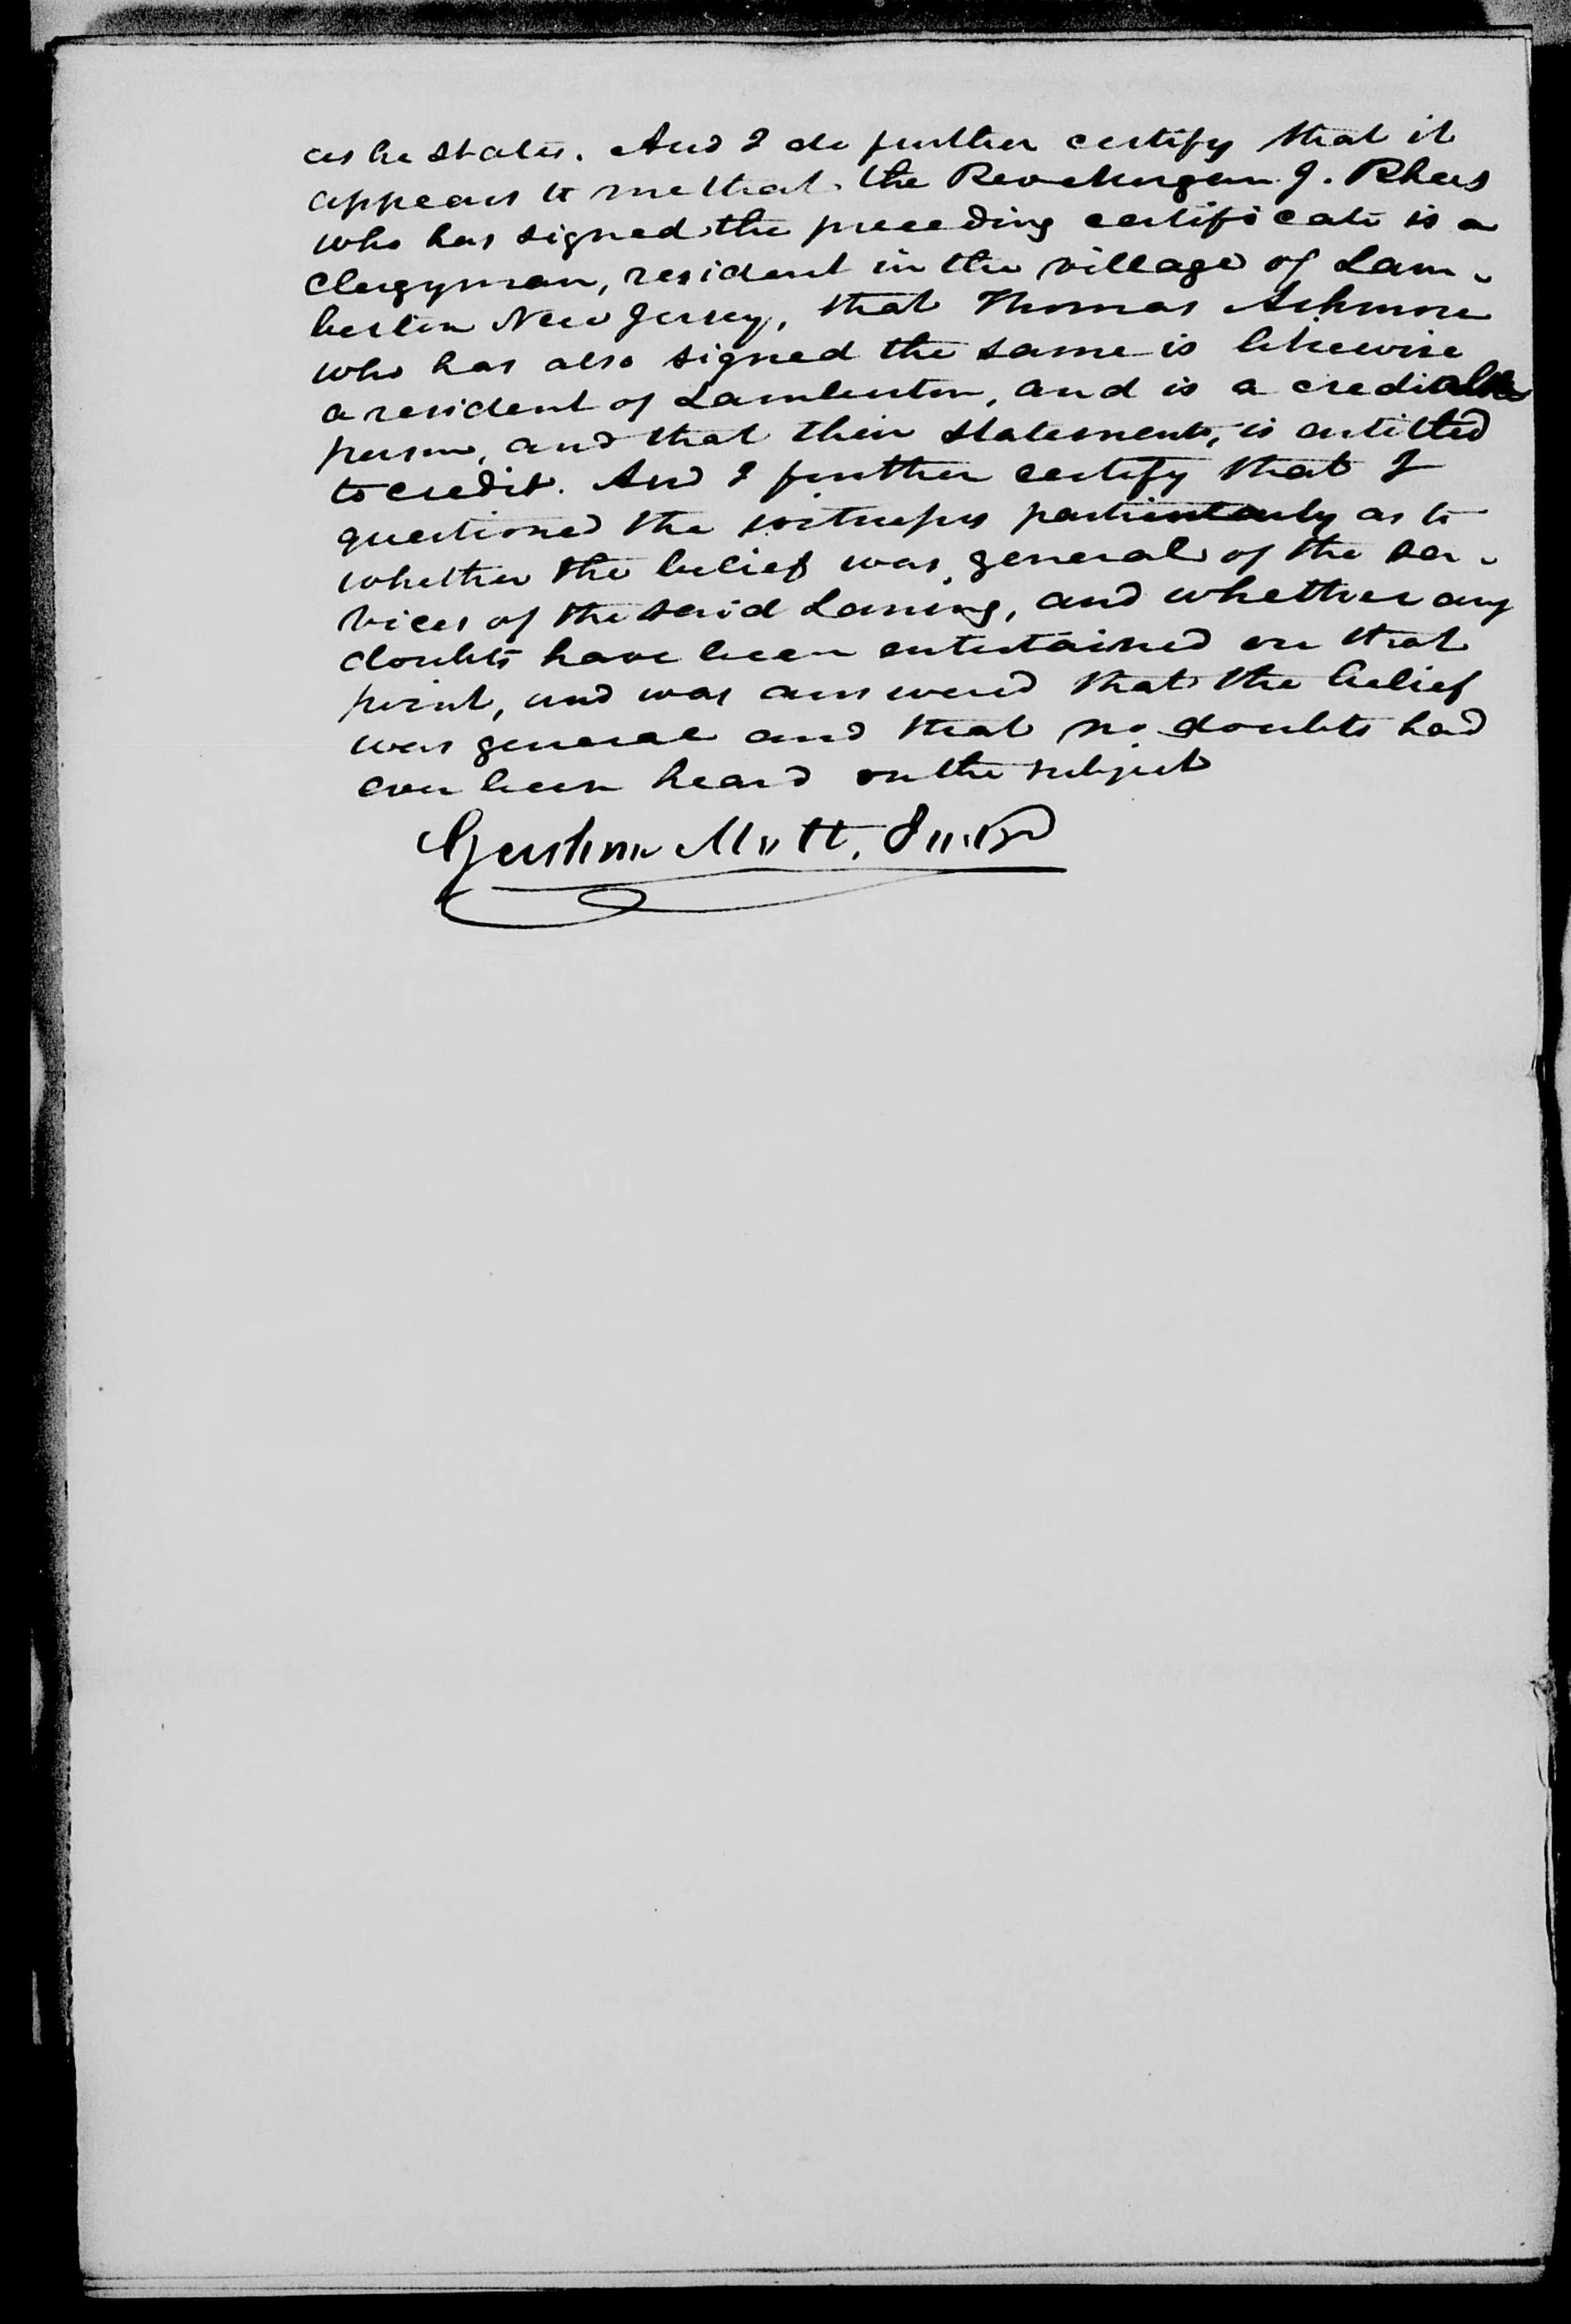as he states. And I do further certify that it appears to me that the Rev Morgan J. Rhees who has signed the preceding certificate is a clergyman, resident in the village of Lamberton, New Jersey, that Thomas Ashmore who has also signed the same is likewise a resident of Lamberton, and is a credible person, and that their statement is entitled to credit. And I further certify that I questioned the witnesses particularly as to whether the belief was general of the services of the said Laning, and whether any doubts have been entertained on that point, and was answered that the belief was general and that no doubts had ever been heard on the subject
Gersham Mott, Judge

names: Thomas Ashmore; Morgan J Rhees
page: 37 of 39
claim: rejected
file: R. 6154, for James Laning, New Jersey